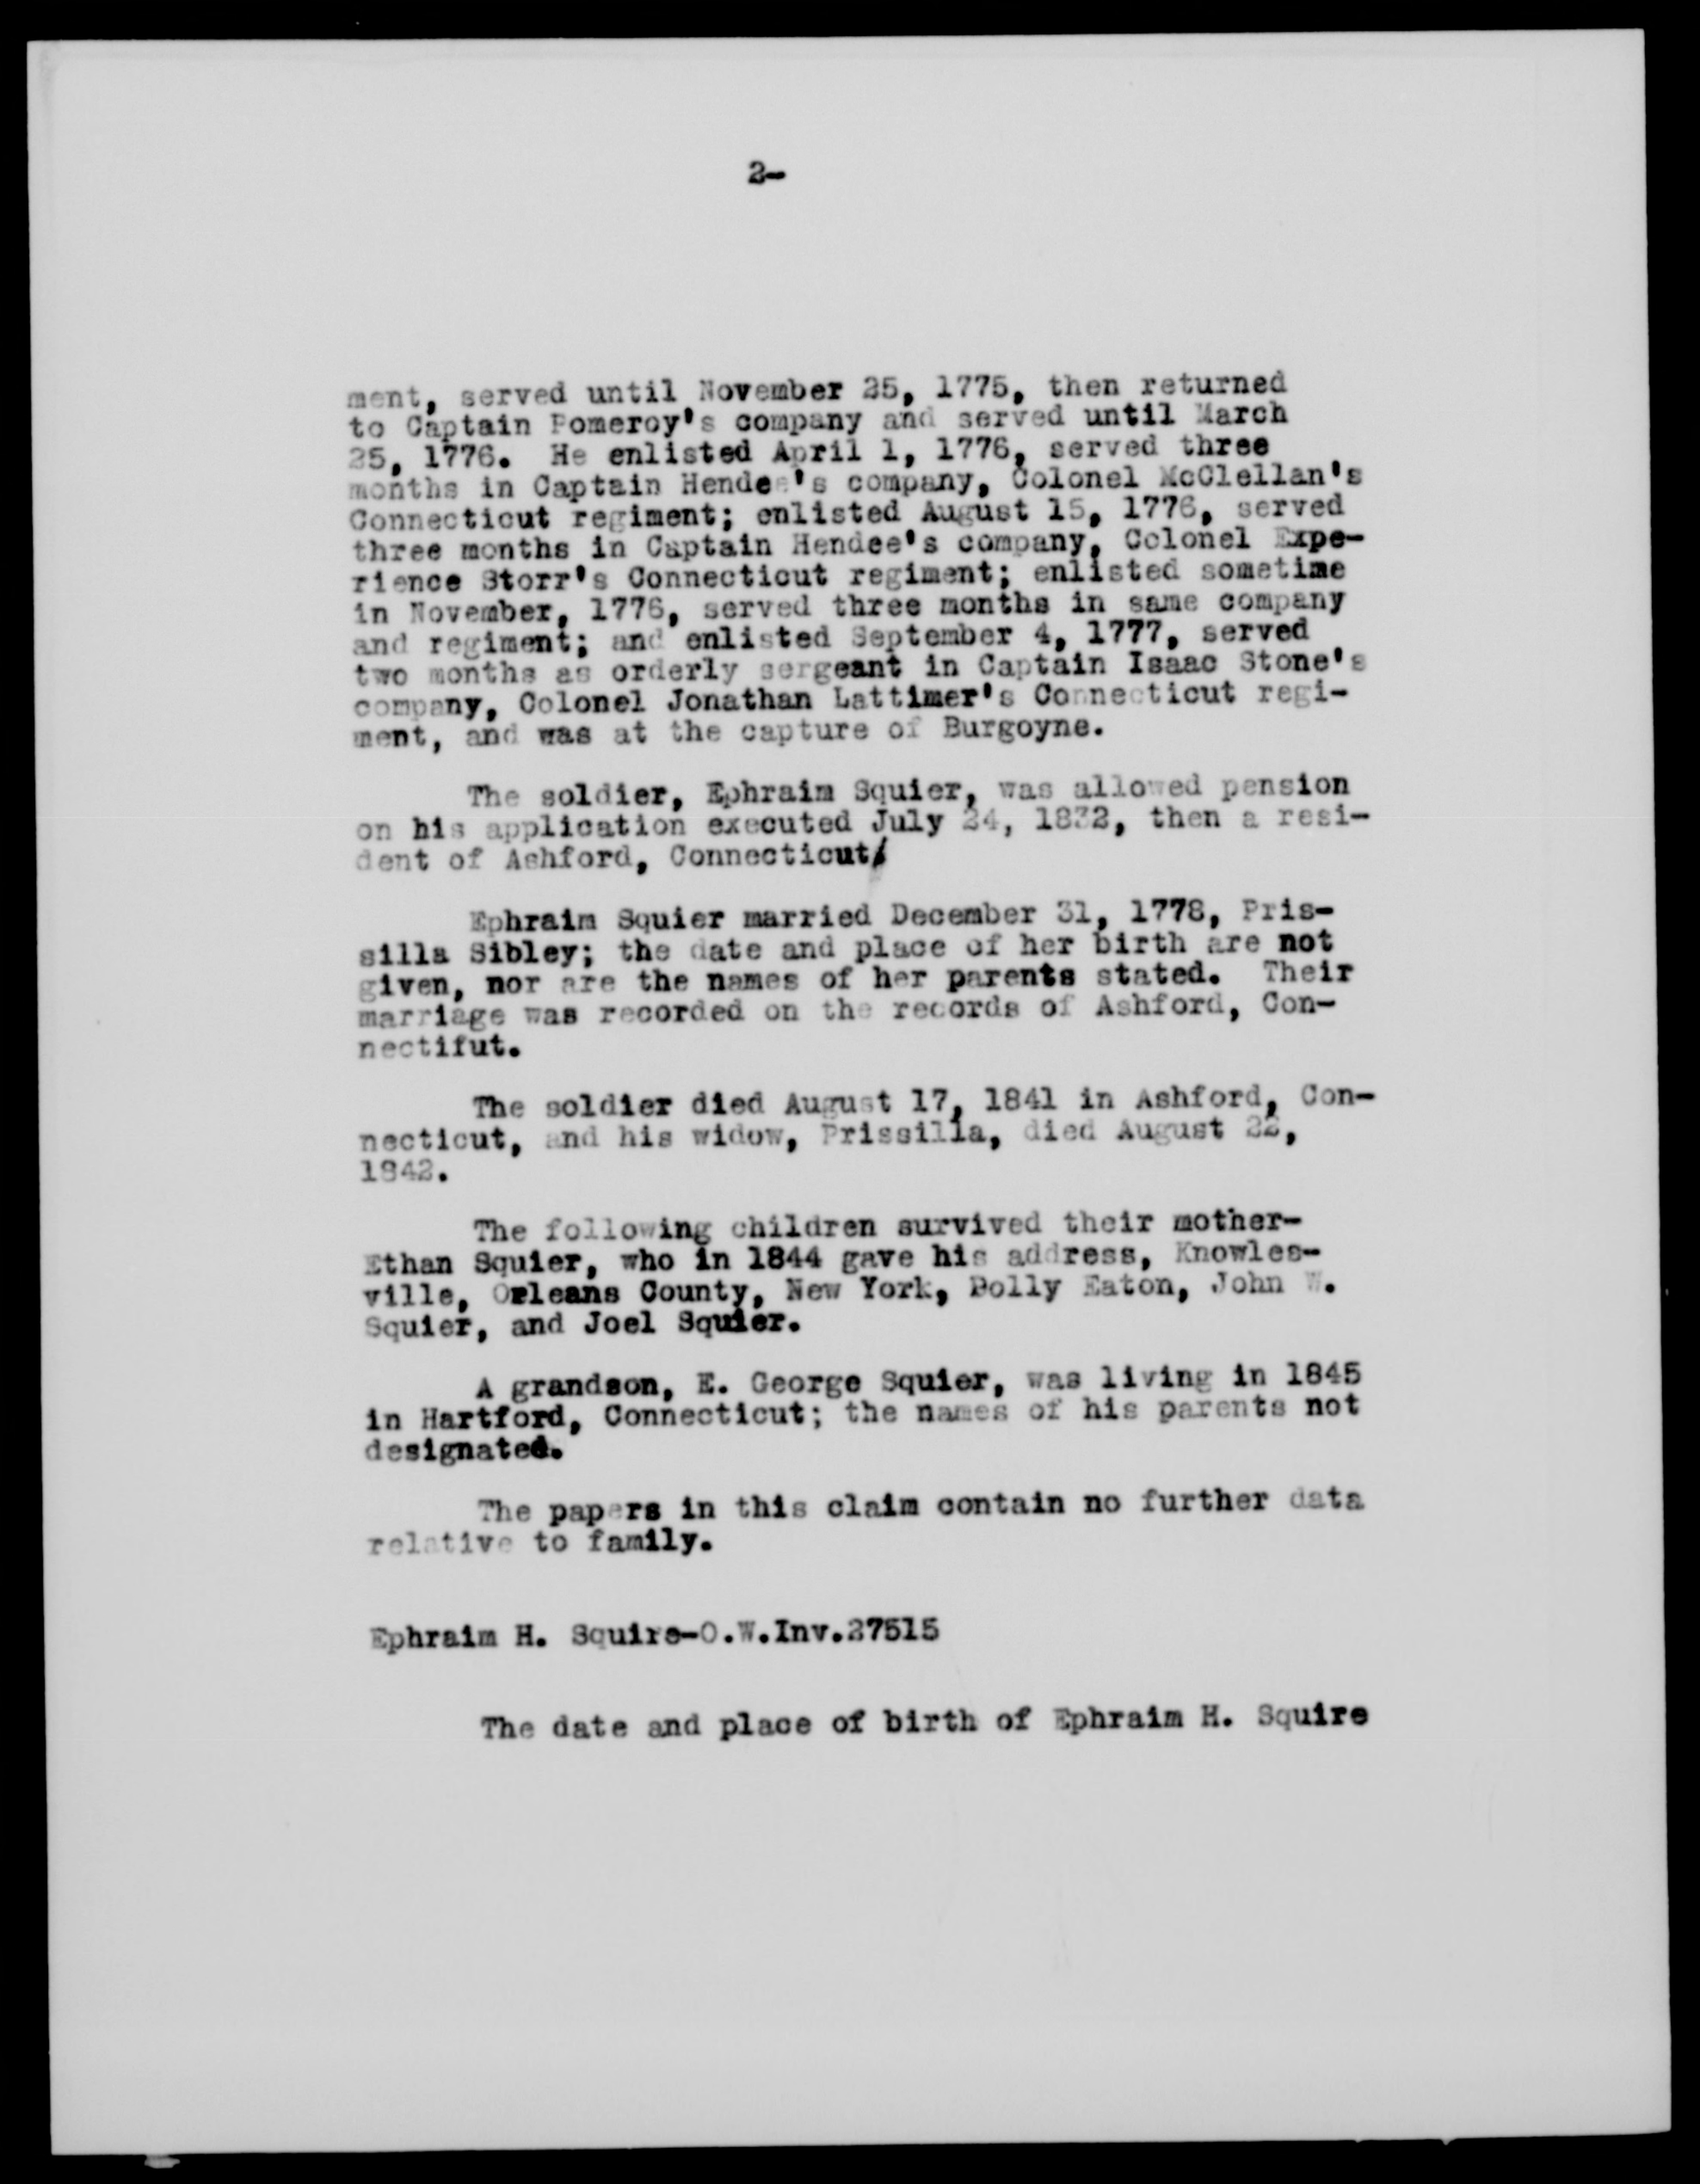{Page} 2-

ment, served until November 25, 1775, then returned to Captain Pomeroy's company and served until March 25, 1776. He enlisted April 1, 1776, served three months in Captain Hendee's company, Colonel McClellan's Connecticut regiment; enlisted August 15, 1776, served three months in Captain Hendee's company, Colonel Experience Storr's Connecticut regiment; enlisted sometime in November, 1776, served three months in same company and regiment; and enlisted September 4, 1777, served two months as orderly sergeant in Captain Isaac Stone's company, Colonel Jonathan Lattimer's Connecticut regiment, and was at the capture of Burgoyne. 

The soldier, Ephraim Squier, was allowed pension on his application executed July 24, 1832, then a resident of Ashford, Connecticut. 

Ephraim Squier married Decemeber 31, 1778, Prissilla Sibley; the date and place of her birth are not given, nor are the names of her parents stated. Their marriage was recorded on the records of Ashford, Connectifut (Connecticut). 

The soldier died August 17, 1841 in Ashford, Connecticut, and his widow, Prissilla, died August 22, 1842. 

The following children survived their mother- Ethan Squier, who in 1844 gave him address, Knowlesville, Orleans County, New York, Polly Eaton, John W. Squier, and Joel Squier.

A grandson E. George Squier, was living in 1845 in Hartford,Connecticut; the names of his parents are not designated. 

Ephraim H. Squire- O. W. Inv. 27515

The date and place of birth of Ephraim H. Squire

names: Joel Squier; E George Squier; Ephraim H Squire; Ethan Squier; Prissilla [BLANK]; John W Squier; Ephraim Squier; Ephraim H Squire; Ephraim Squier; [BLANK] Burgoyne; Polly Eaton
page: 16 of 70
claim: rejected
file: R. 10,026, for Ephraim Squier, Connecticut